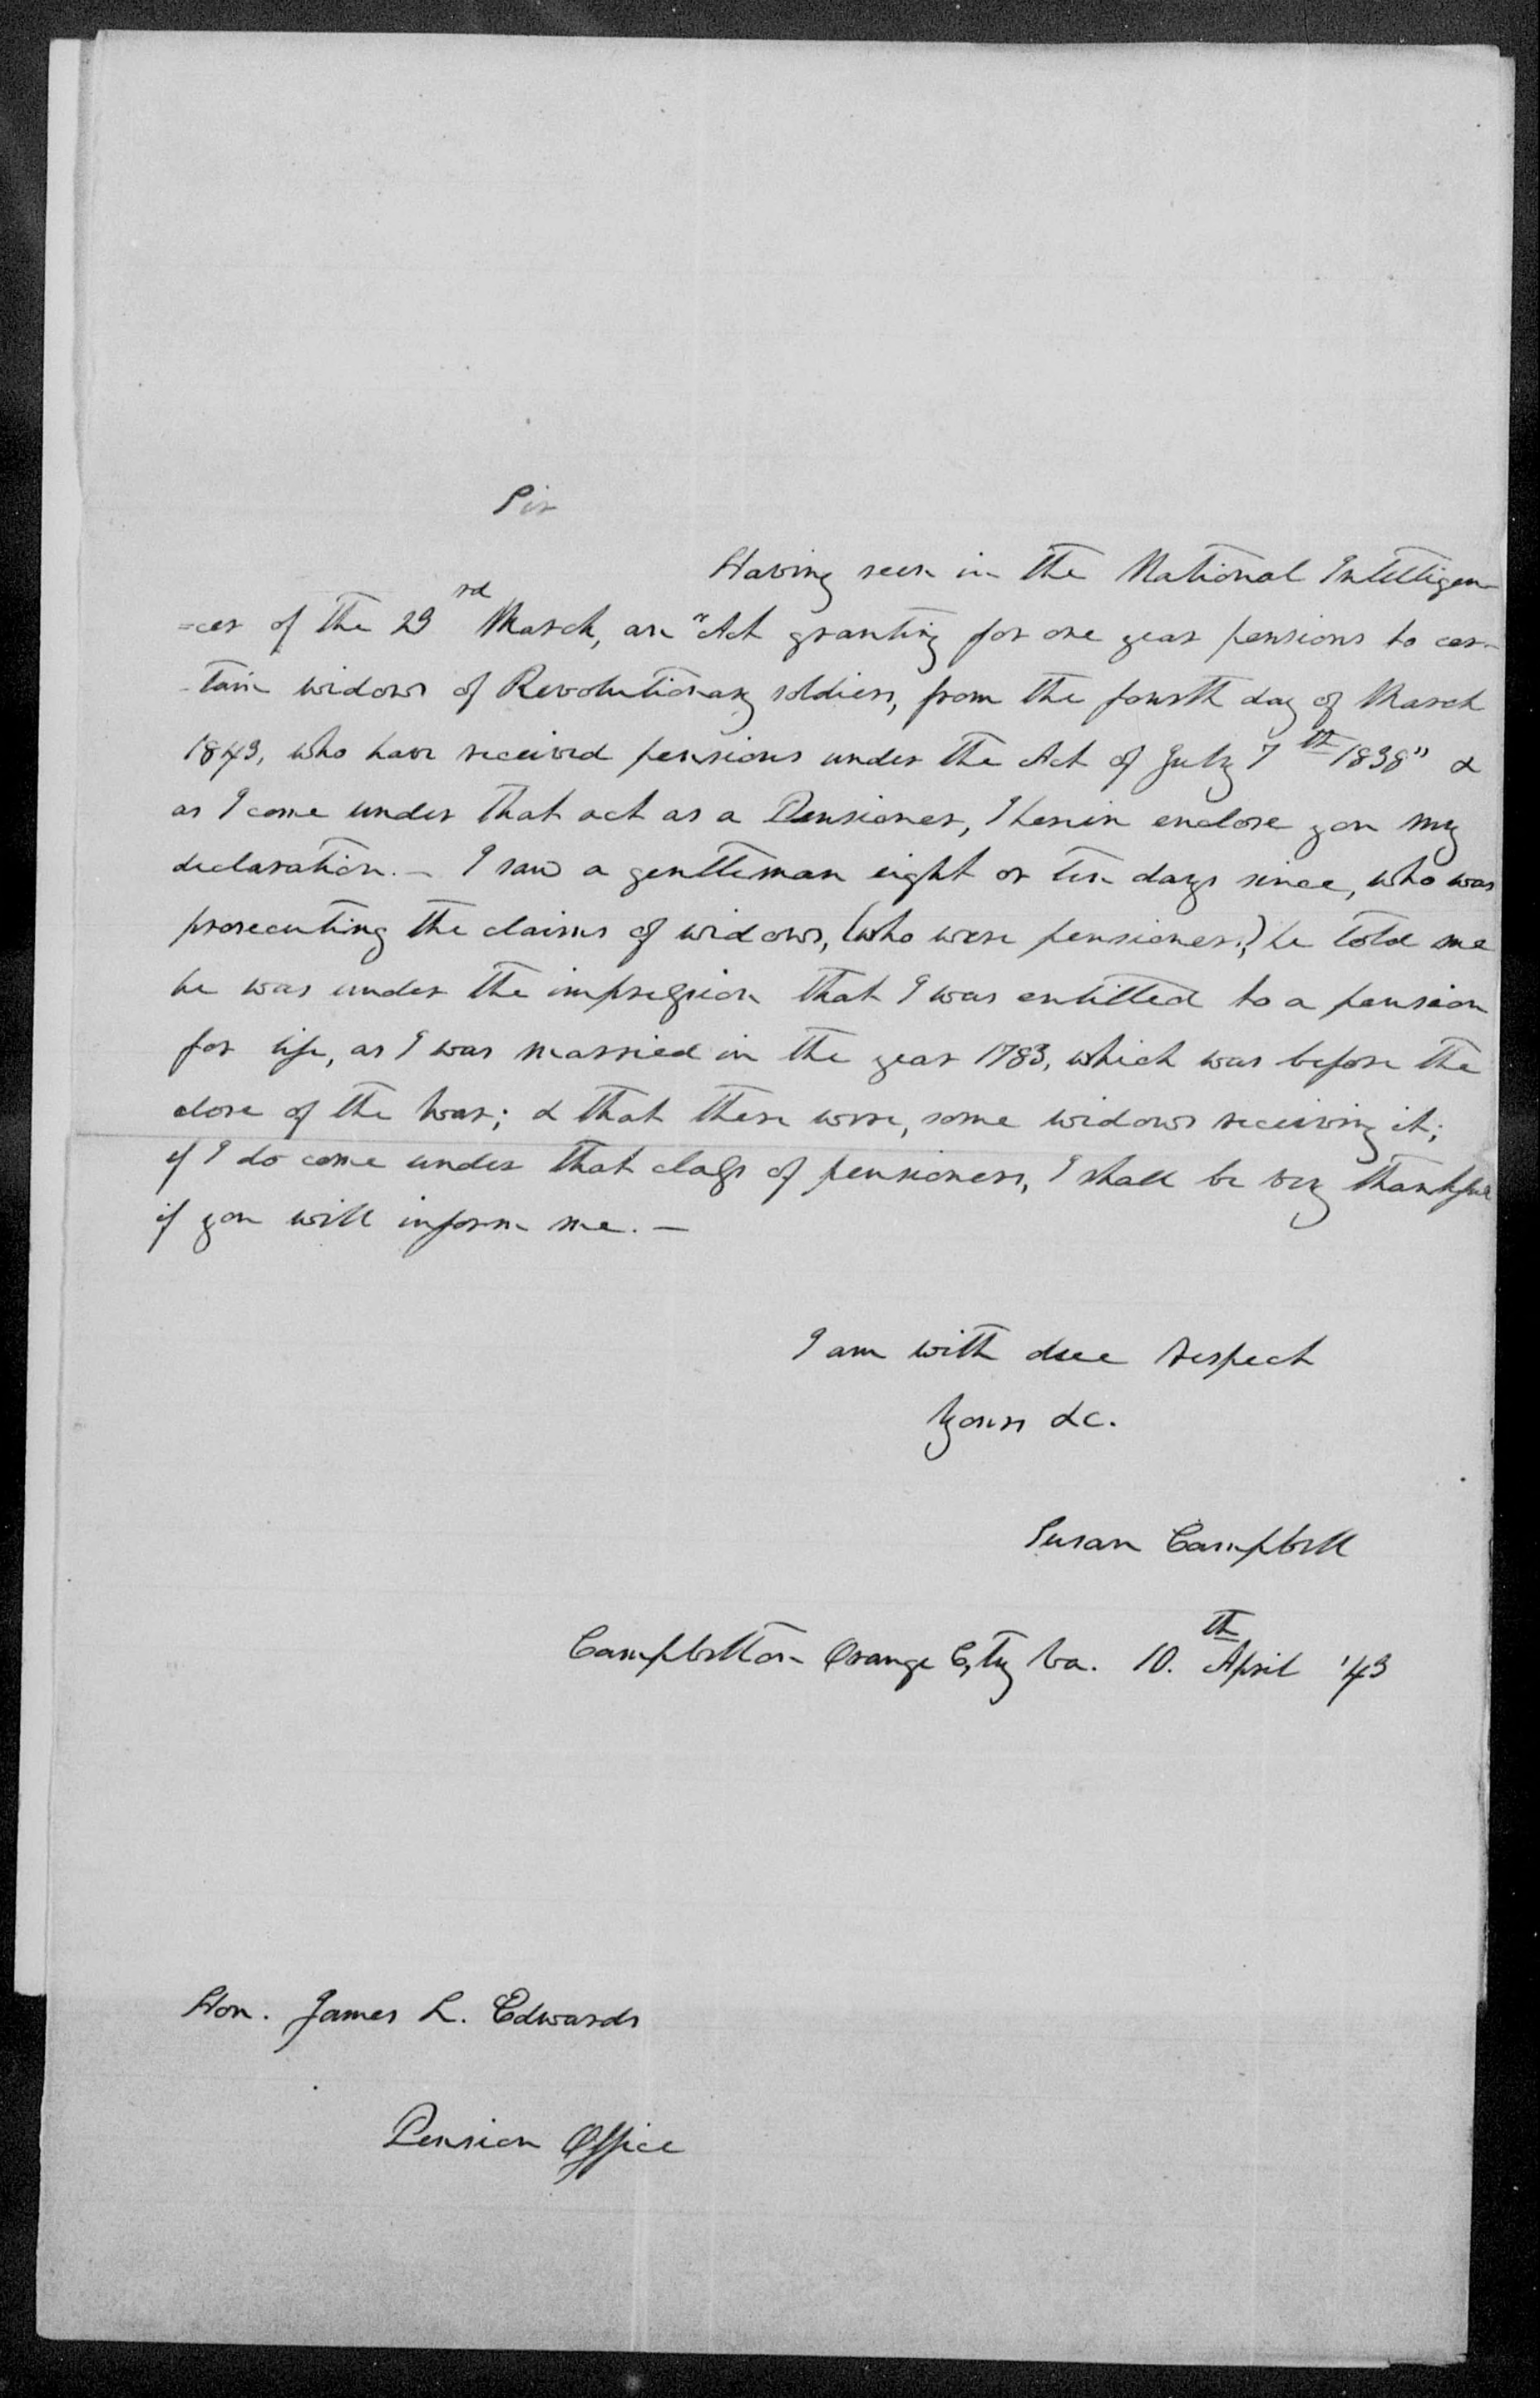Sir
Having seen in the National Intelligencer of the 23rd March, an "Act granting for one year pensions to certain widows of Revolutionary soldiers, from the fourth day of March 1843, who have received pensions under the Act of July 7th 1838" +[and] as I came under that act as a Pensioner, I herein enclose you my declaration. __  I saw a gentleman eight or ten days since, who was prosecuting the claims of widows, who were pensioners, he told me he was under the impression that I was entitled to a pension for life, as I was married in the year 1783, which was before the close of the War; +[and] that then were, some widows receiving it; if I do come under that class of pensioners, I shall be very thankful if you will inform me. ___

I am with due Respect
Yours +c [et cetera]
Susan Campbell


Campbell on Orange City Va.  10th. April '43

Hon. James L. Edwards
Pension Office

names: James L Edwards, Wm, Susan Campbell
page: 212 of 267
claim: widow's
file: W. 4,149, William Campbell, Va.